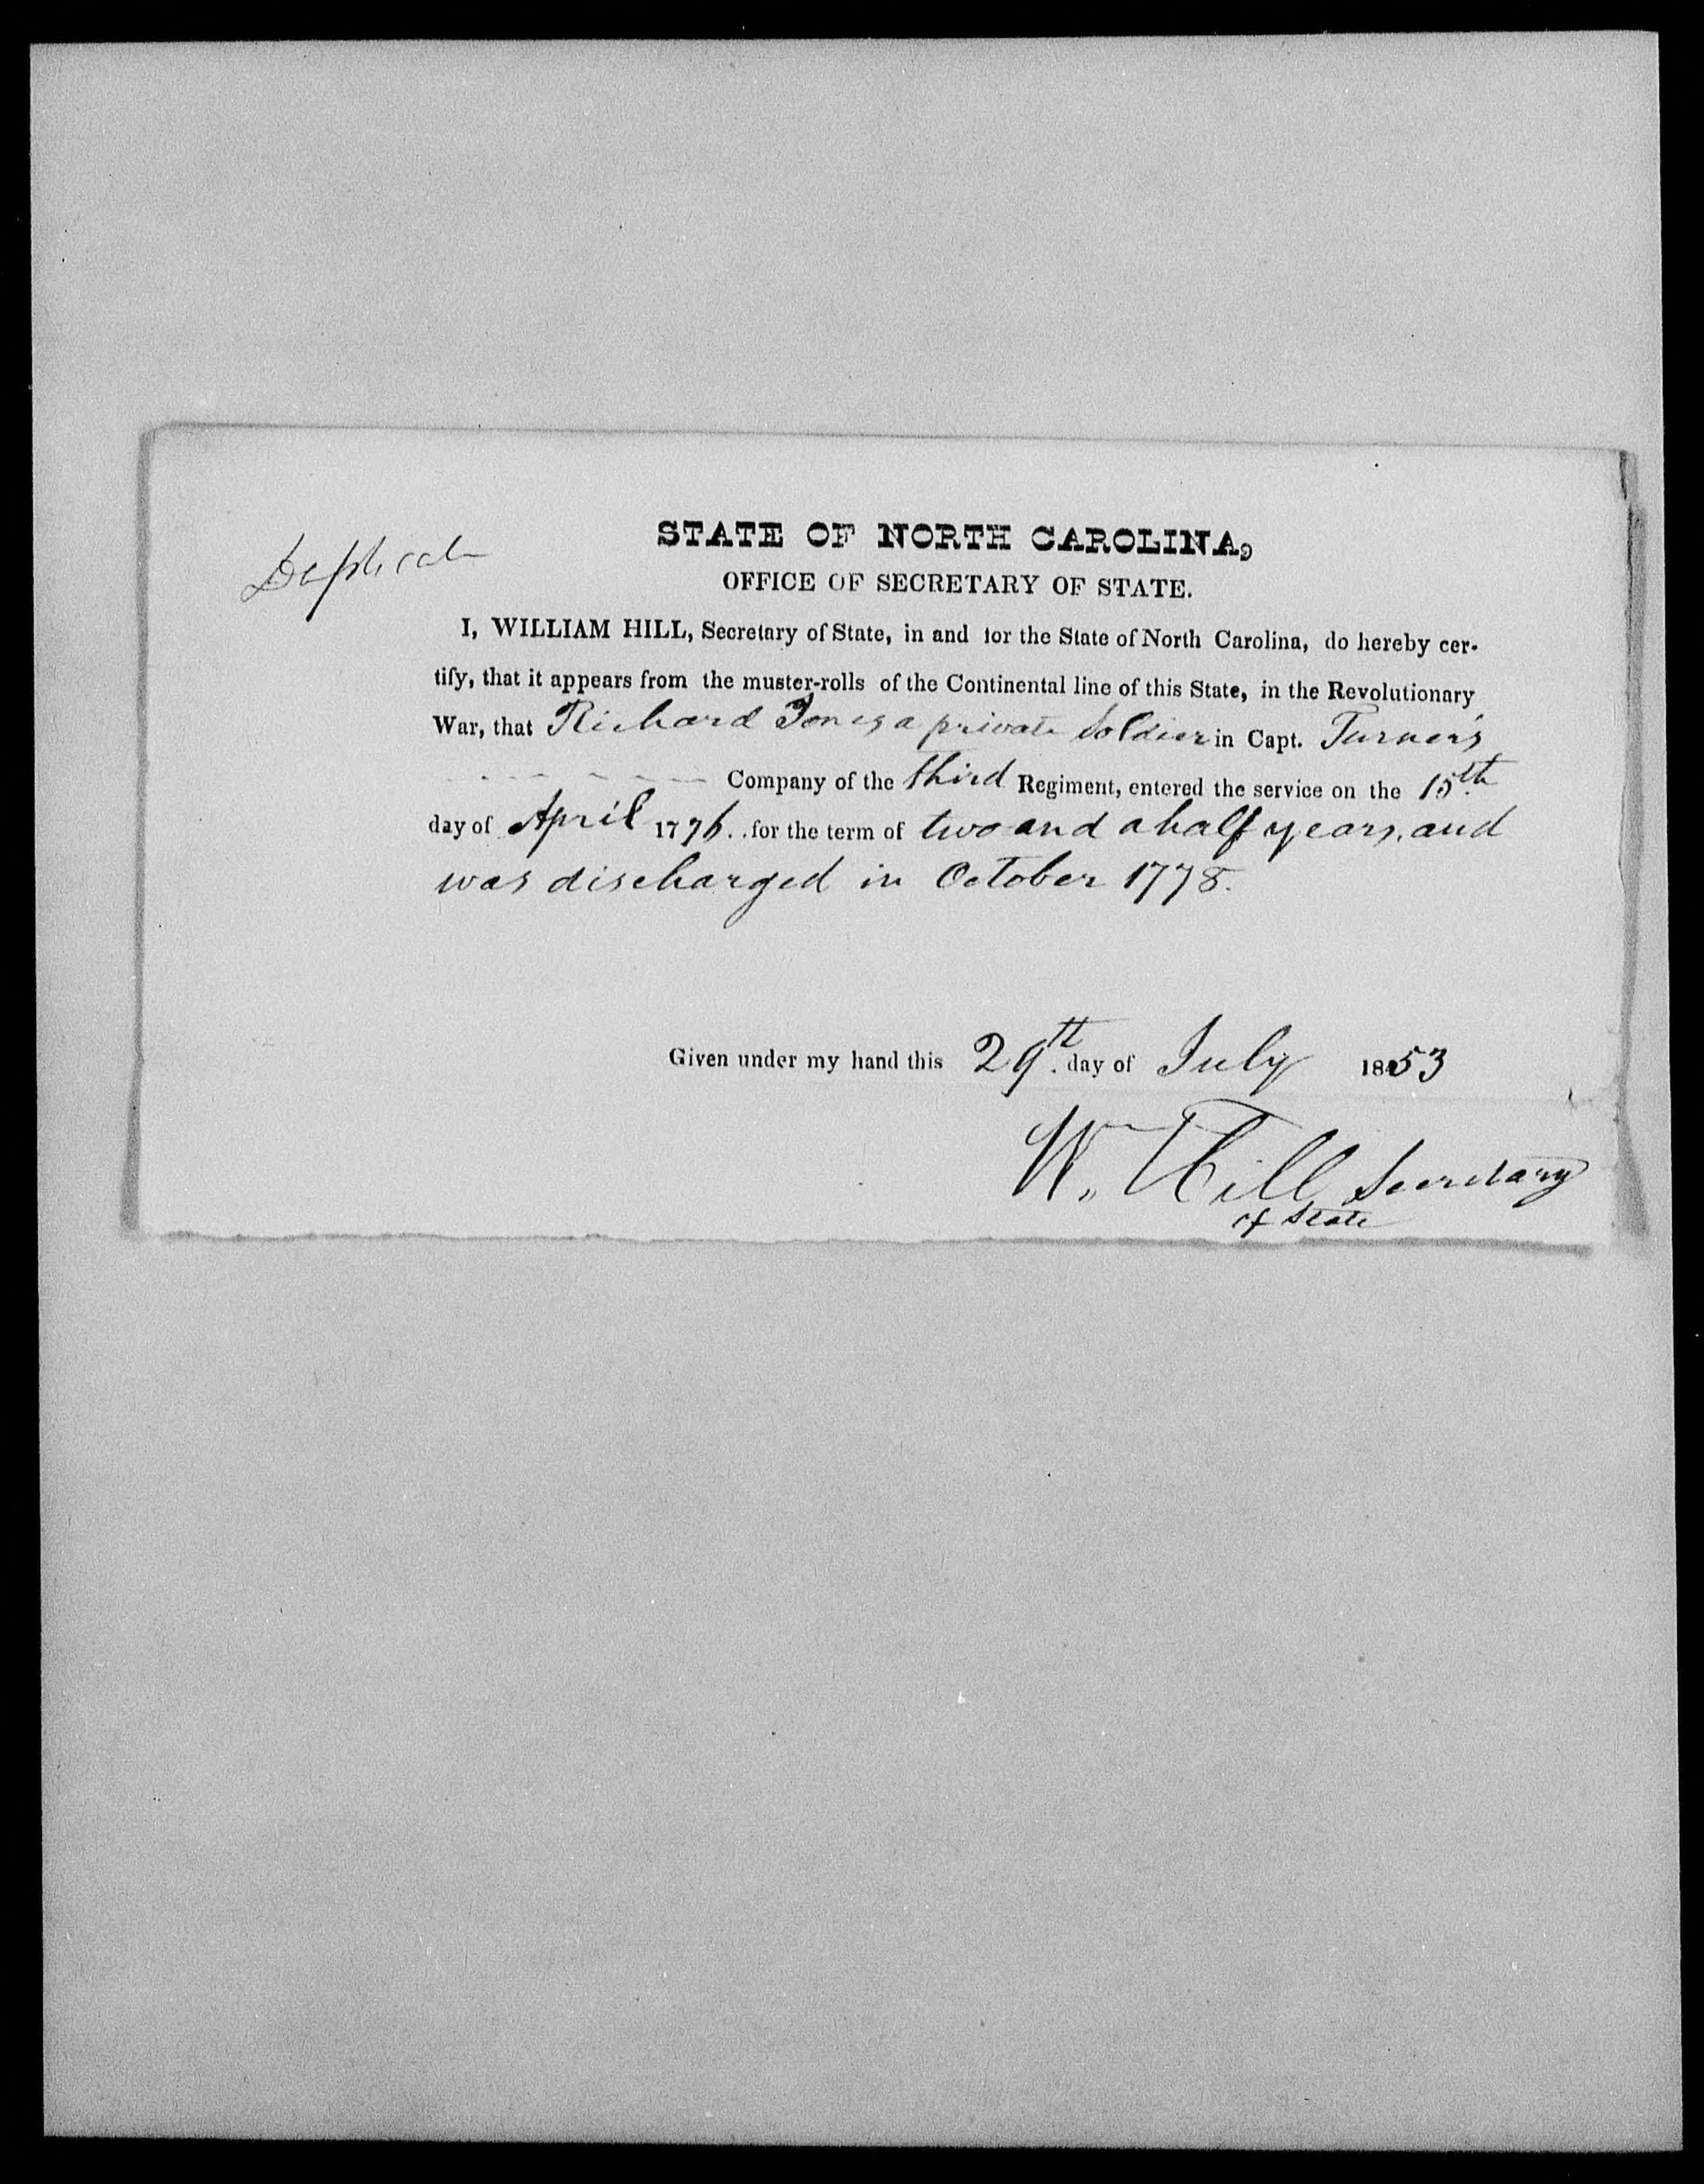Duplicate

STATE OF NORTH CAROLINA,
OFFICE OF SECRETARY OF STATE.

I, WILLIAM HILL, Secretary of State, in and for the State of North Carolina, do hereby 
certify, that it appears from the muster-rolls of the Continental line of this State, in the Revolutionary 
War, that Richard Jones a private soldier in Capt. Turner's 
Company of the third Regiment, entered the service on the 15th
day of April 1776 for the term of two and a half years, and 
was discharged in October 1778.

Given under my hand this 29th day of July 1853

W. Hill Secretary of State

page: 15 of 33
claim: rejected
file: R. 1554, for Richard Jones, North Carolina